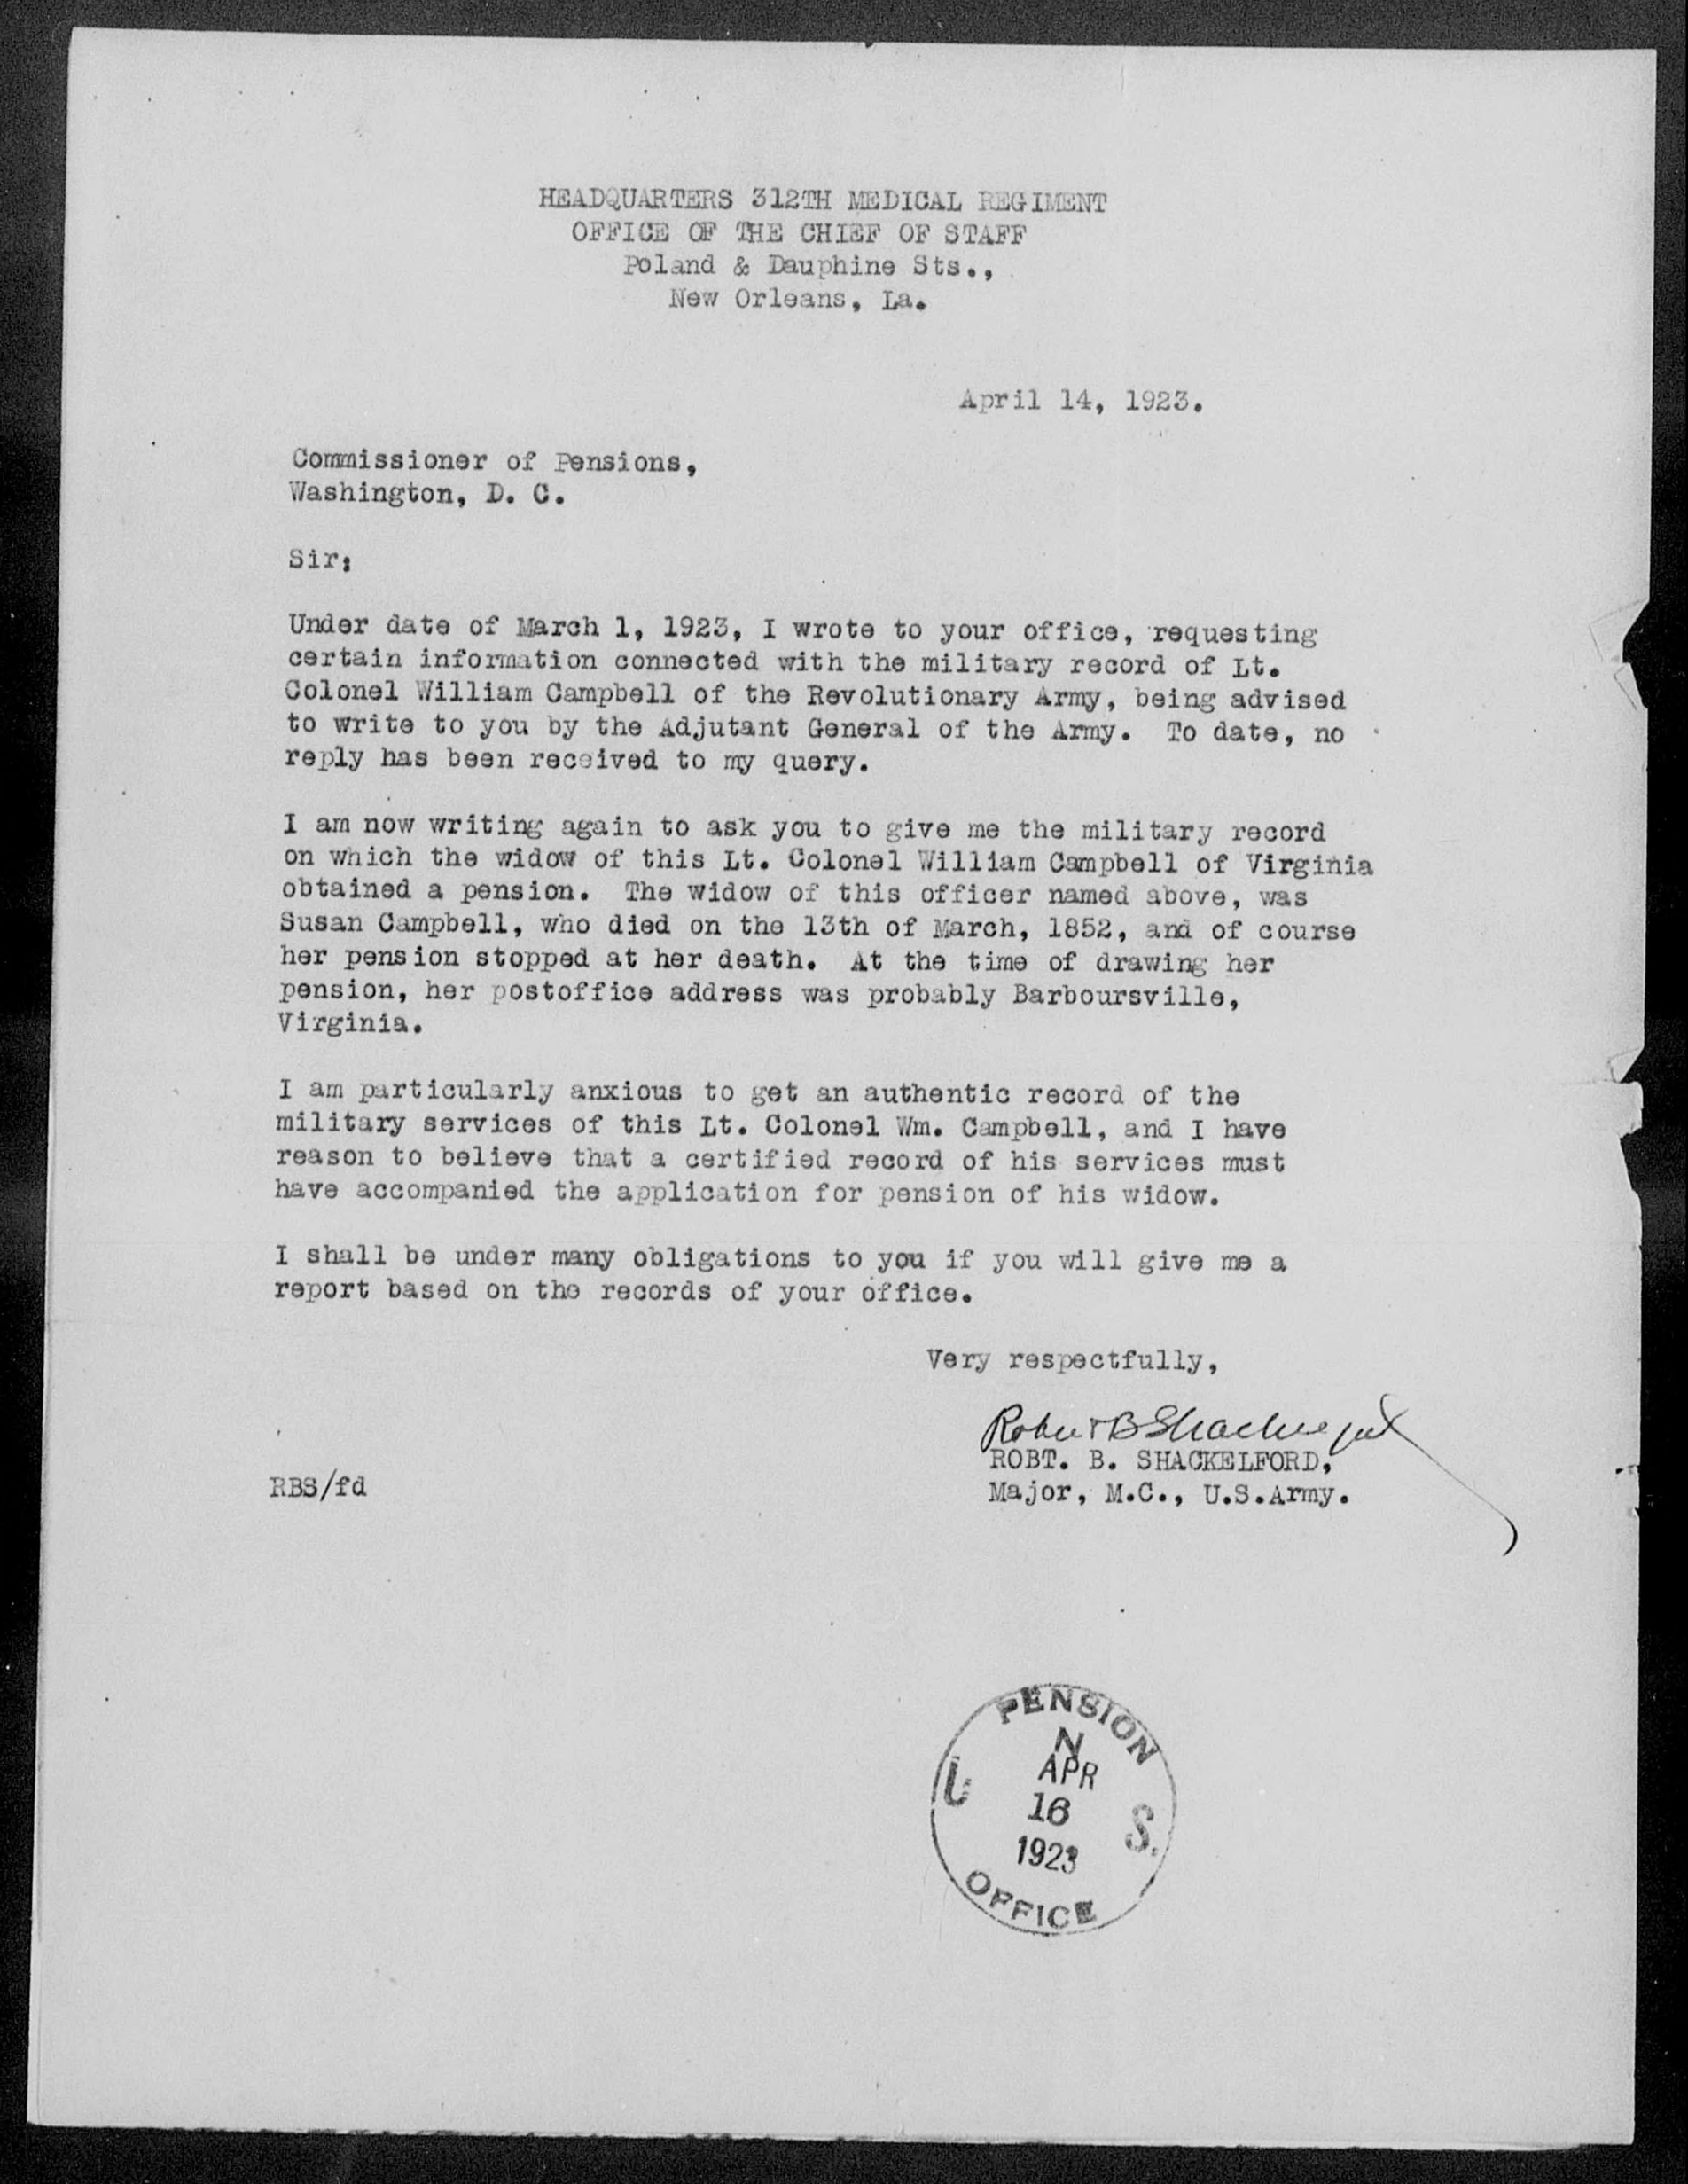HEADQUARTERS 312TH MEDICAL REGIMENT
OFFICE OF THE CHIEF OF STAFF
Poland & Dauphine Sts.,
New Orleans, La.

April 14, 1923.
Commissioner of Pensions,
Washington, D.C.

Sir:

Under date of March 1, 1923, I wrote to your office, requesting certain information connected with the military record of Lt. Colonel William Campbell of the Revolutionary Army, being advised to write to you by the Adjutant General of the Army. To date, no reply has been received to my query.

I am now writing again to ask you to give me the military record on which the widow of this Lt. Colonel William Campbell of Virginia obtained a pension. The widow of this officer named above, was Susan Campbell, who died on the 13th of March, 1852, and of course her pension stopped at her death. At the time of drawing her pension, her postoffice address was probably Barboursville, Virginia.

I am particularly anxious to get an authentic record of the military services of this Lt. Colonel Wm. Campbell, and I have reason to believe that a certified record of his services must have accompanied the application for pension of his widow.

I shall be under many obligations to you if you will give me a report based on the records of your office.

Very respectfully,
[signed] Robert B Shackleford
ROBT. B. SHACKELFORD,
Major, M.C., U.S.Army.

RBS/fd

[stamp]
PENSION
N
APR
U 16 S.
1923
OFFICE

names: Robt B Shackelford, Susan Campbell, Robert B Shackelford, Wm Campbell, William Campbell, William Campbell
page: 150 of 267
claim: widow's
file: W. 4,149, William Campbell, Va.